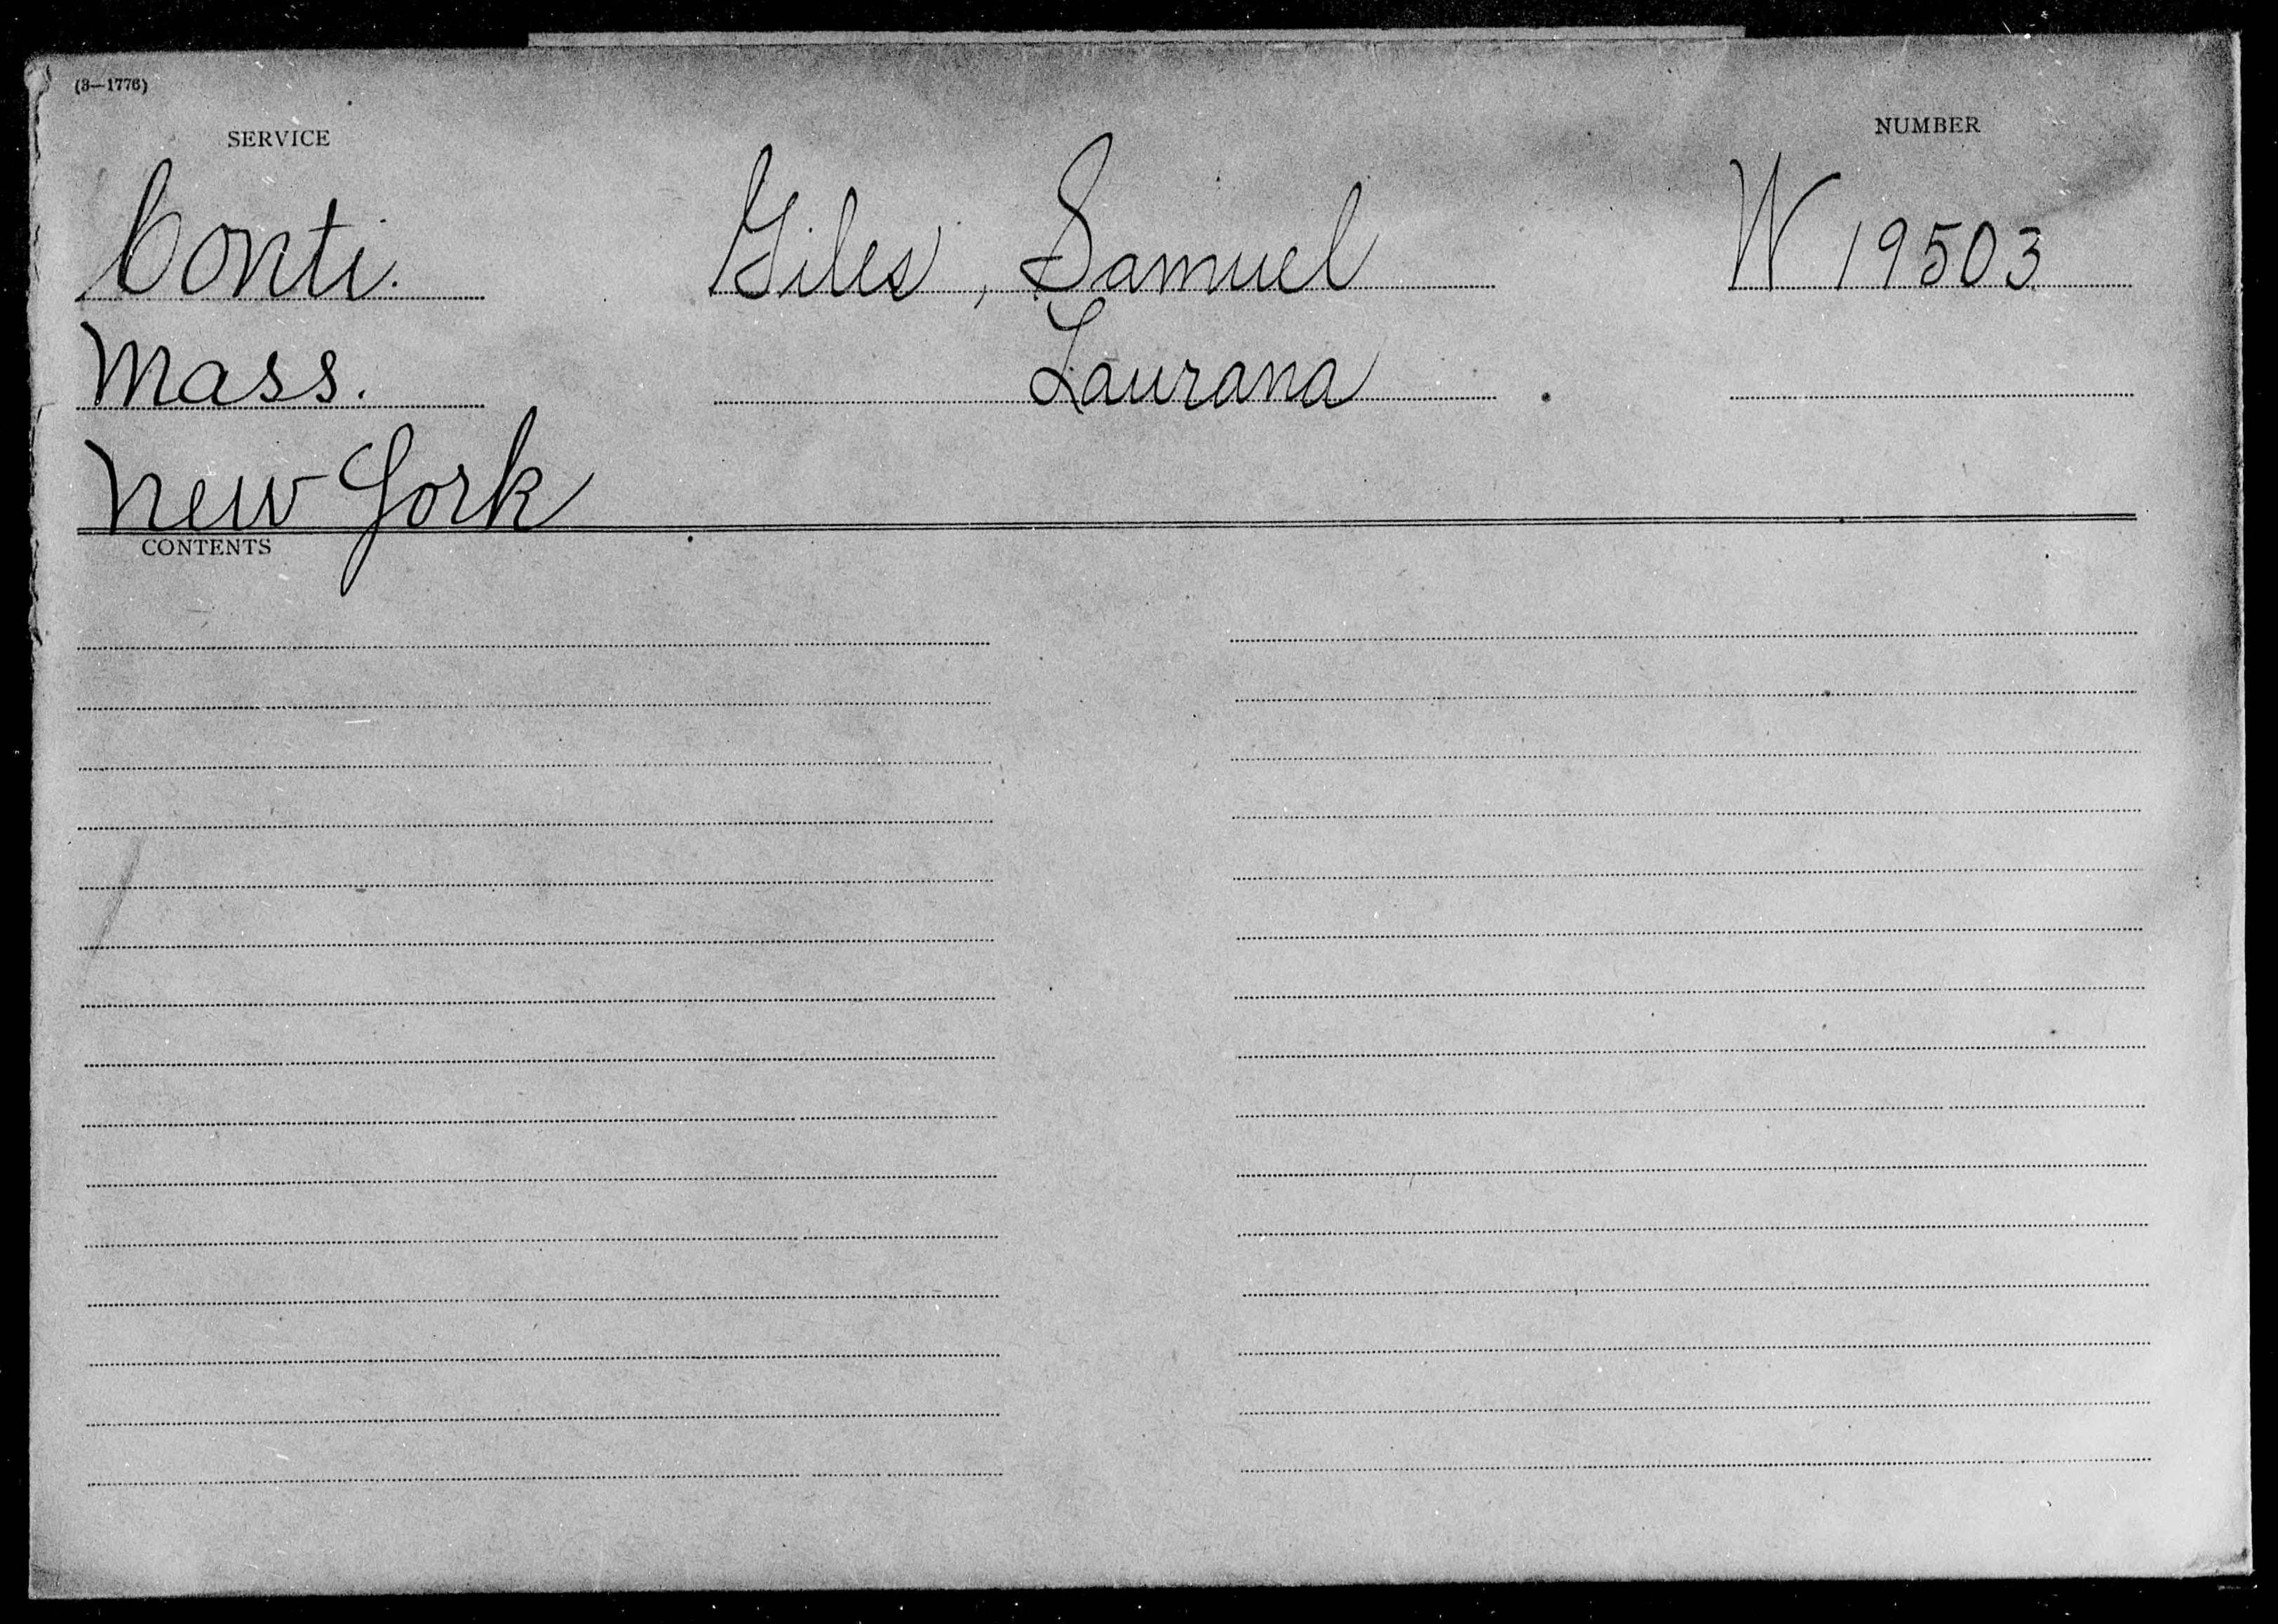Conti.
Mass.
New York
Giles, Samuel
Giles, Laurana 
W 19503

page: 1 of 55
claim: widow's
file: W. 19503, Samuel Giles, Conti. Mass. New York